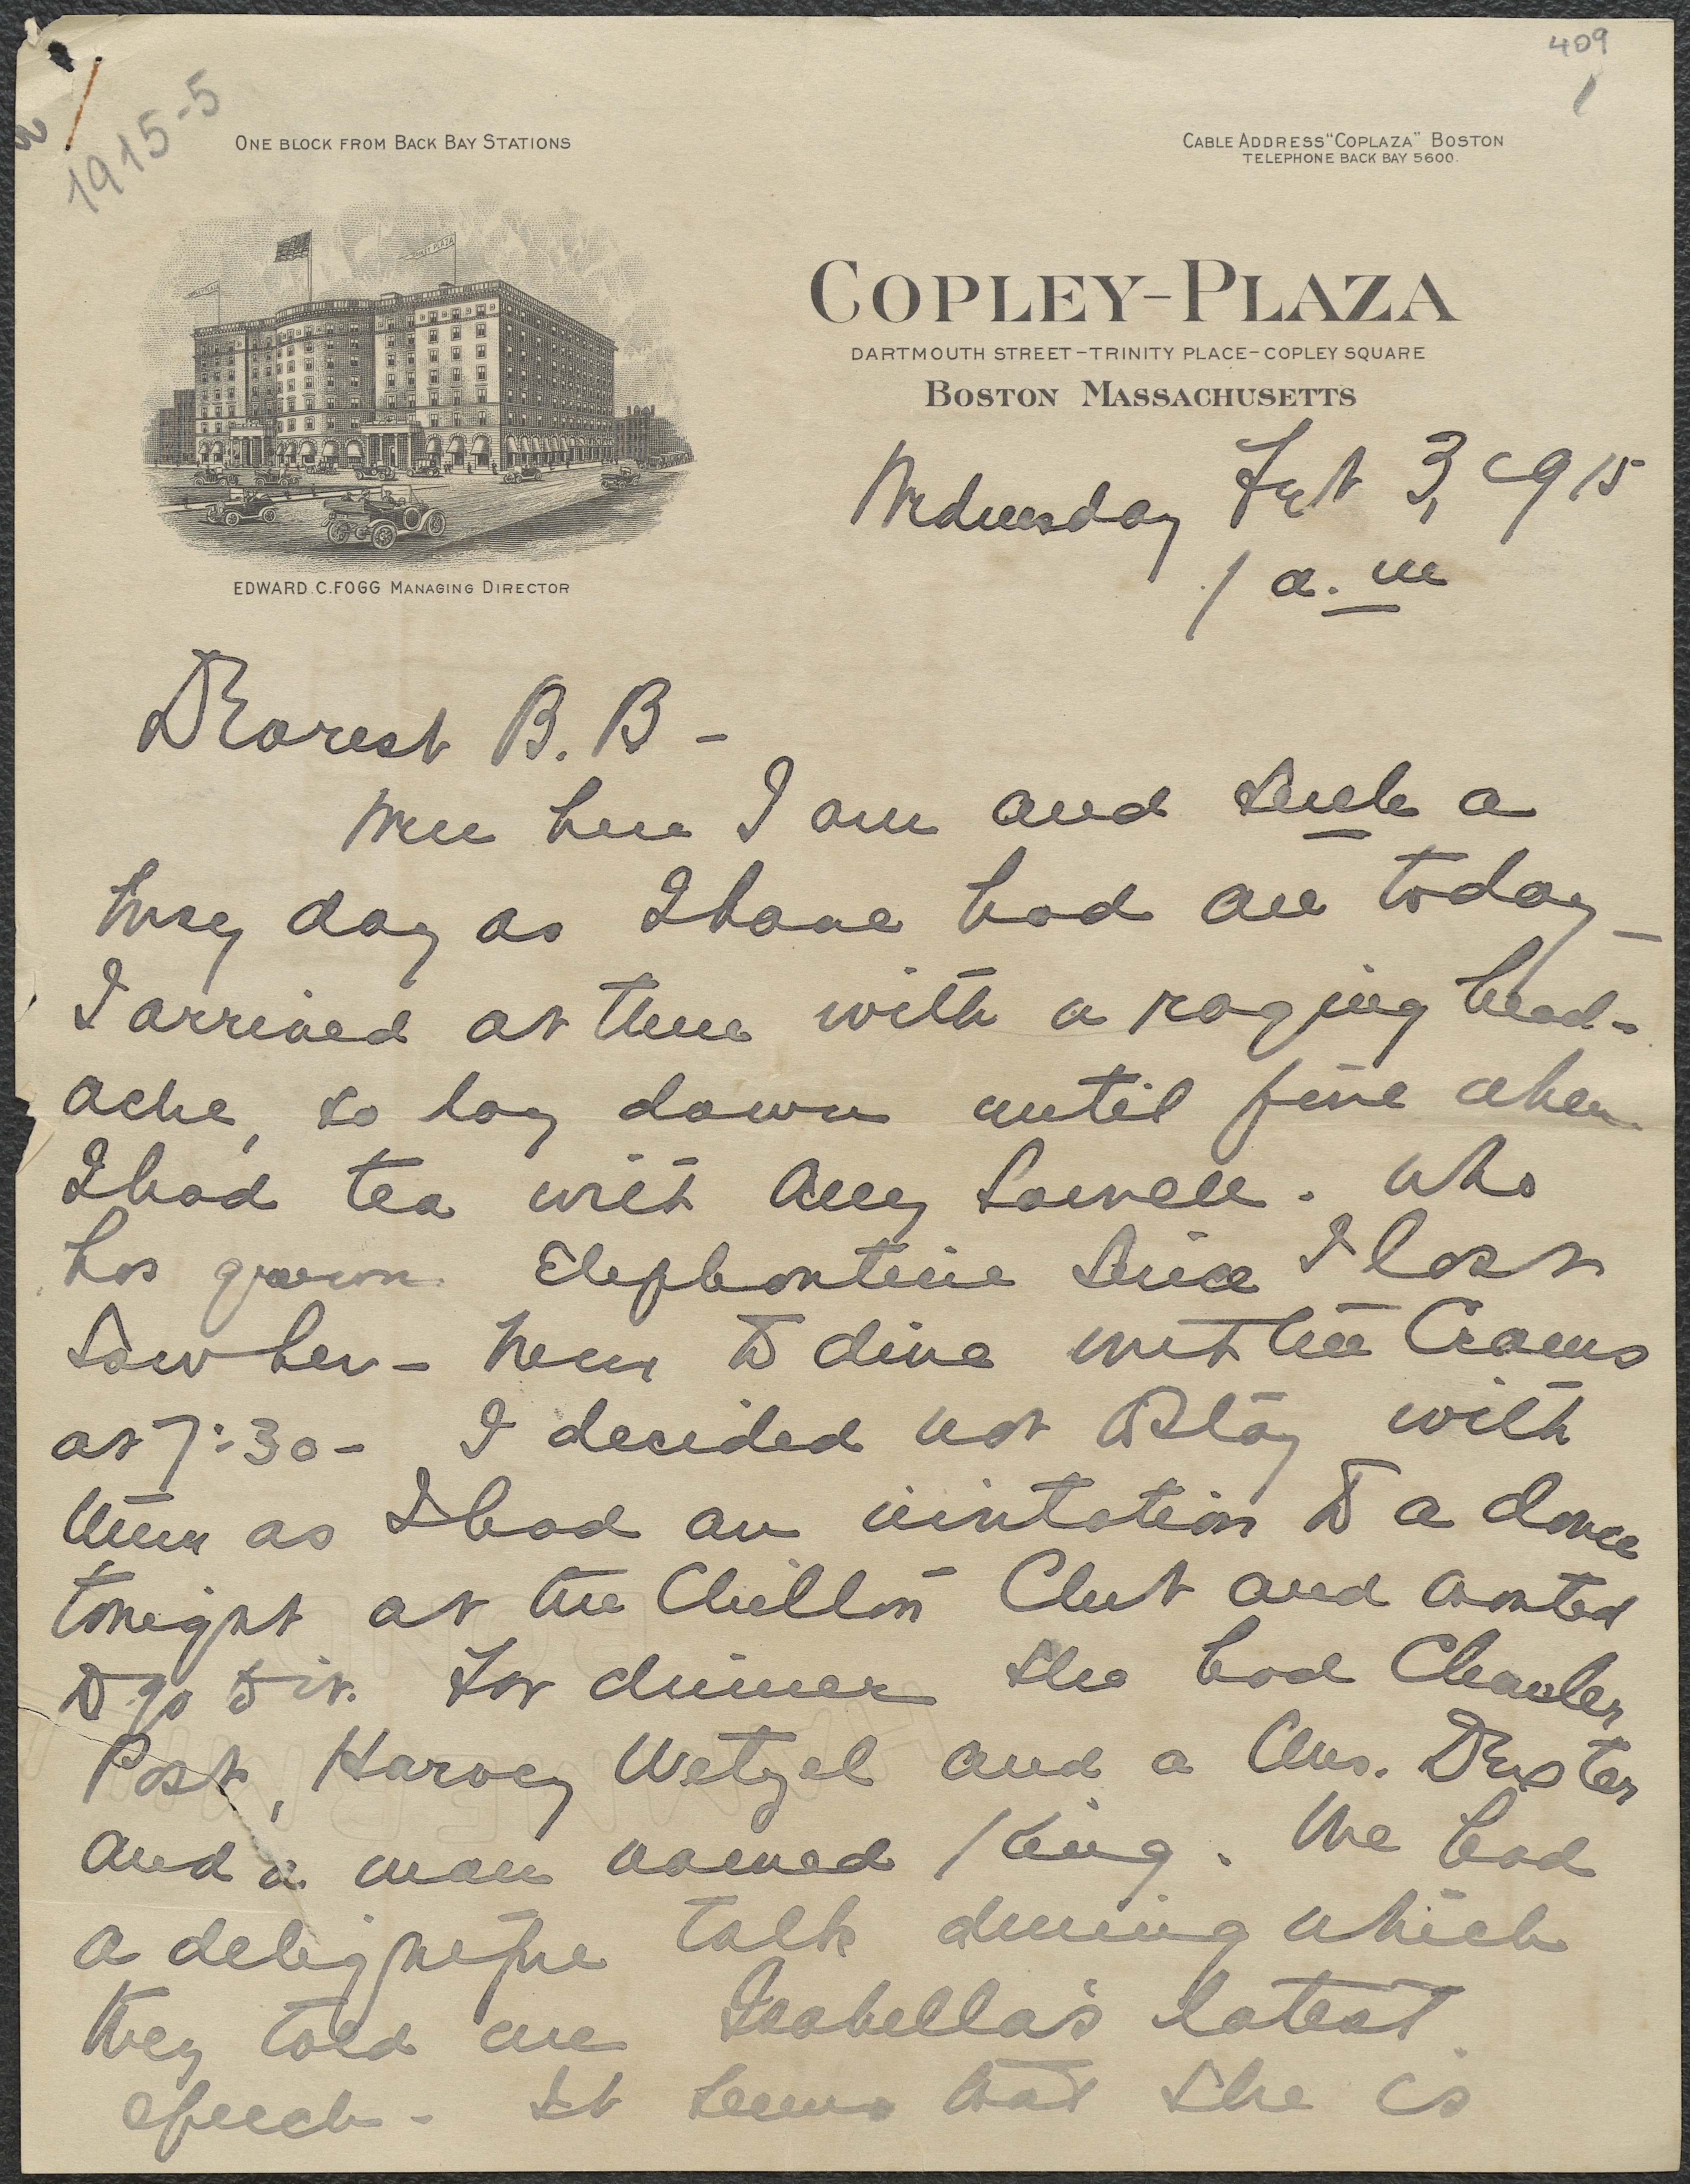Wednesday, Feb. 3, 1915
1 a.m
Dearest B.B –
Well here I am and such a busy day as I have had all today – I arrived at three with a raging headache, to lay down until five when I had tea with Amy Lowell who has grown elephantine since I last saw her – then to dine with the Crams at 7:30 – I decided not to stay with them as I had an invitation to a dance tonight at the Chilton Club and wanted to go to it. For dinner she had Chanler, Post, Harvey Wetzel and a Mrs. Dexter and a man named King. We had a delightful talk during which they told me Isabella’s latest speech – It seems that she is